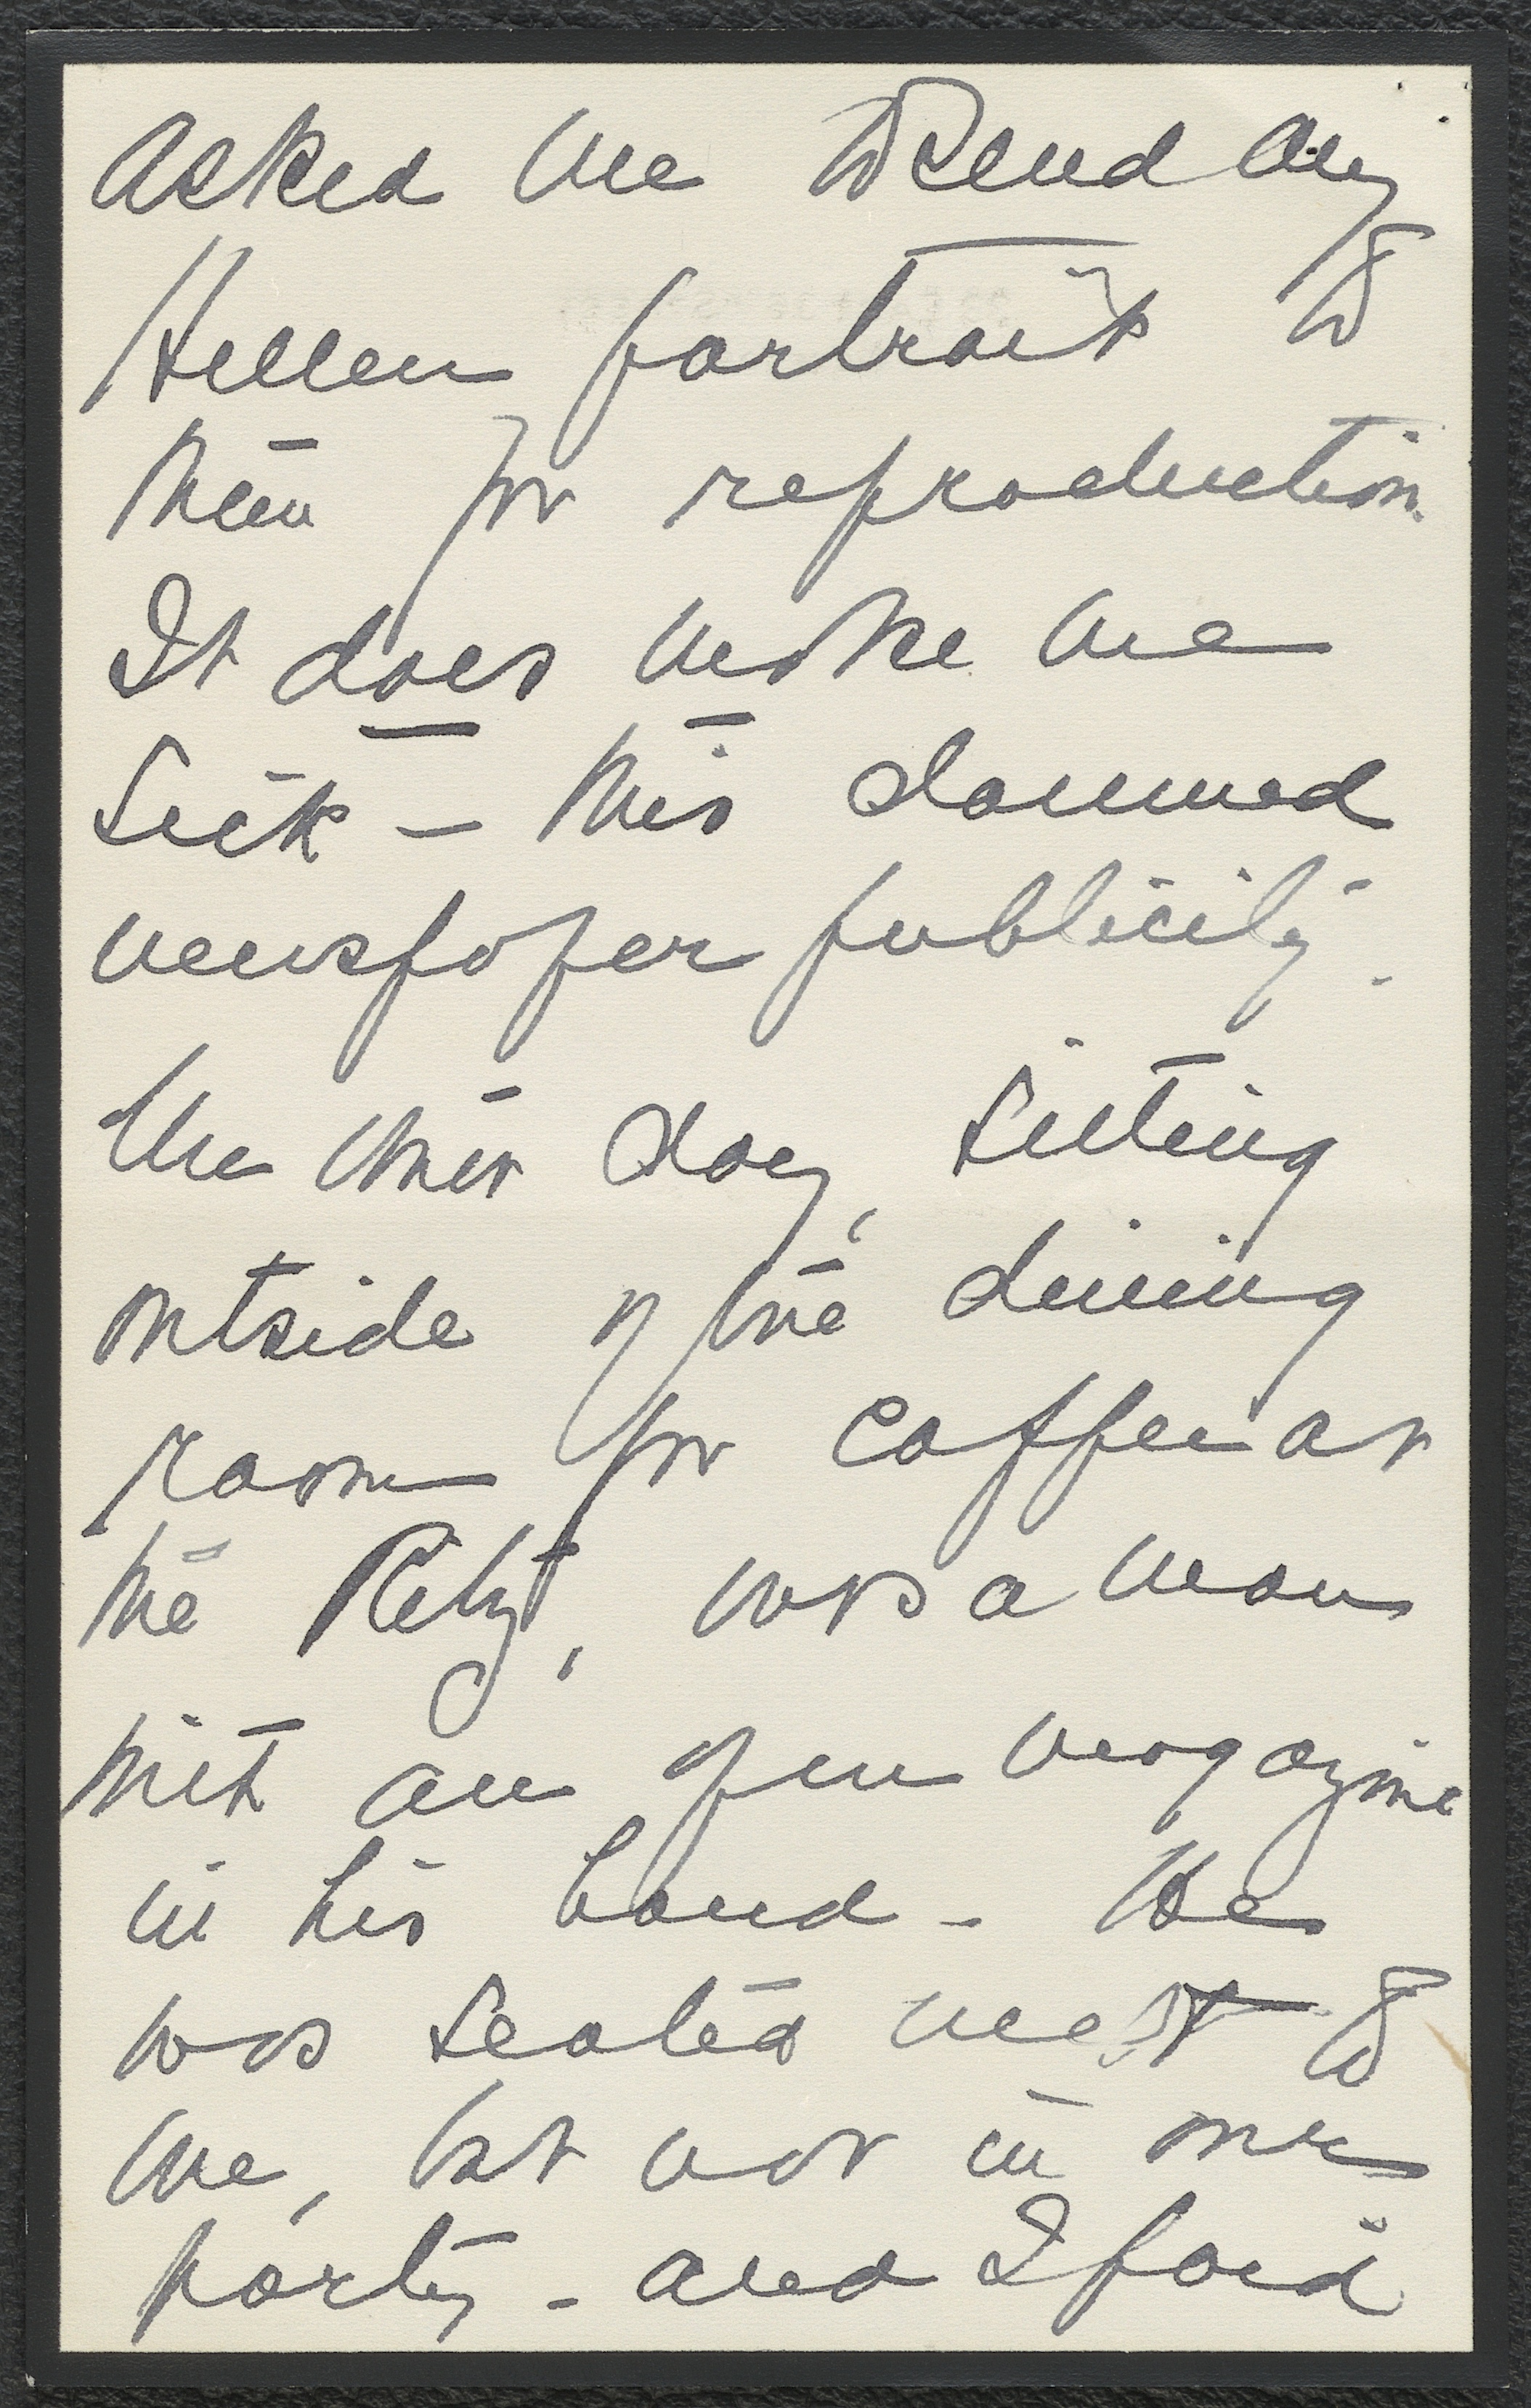asked me to send any Helleu portrait to them for reproduction. It does make me sick – this damned newspaper publicity. The other day sitting outside of the dining room for coffee at the Ritz, was a man with an open magazine in his hand. He was seated next to me, but not in our party – and I paid